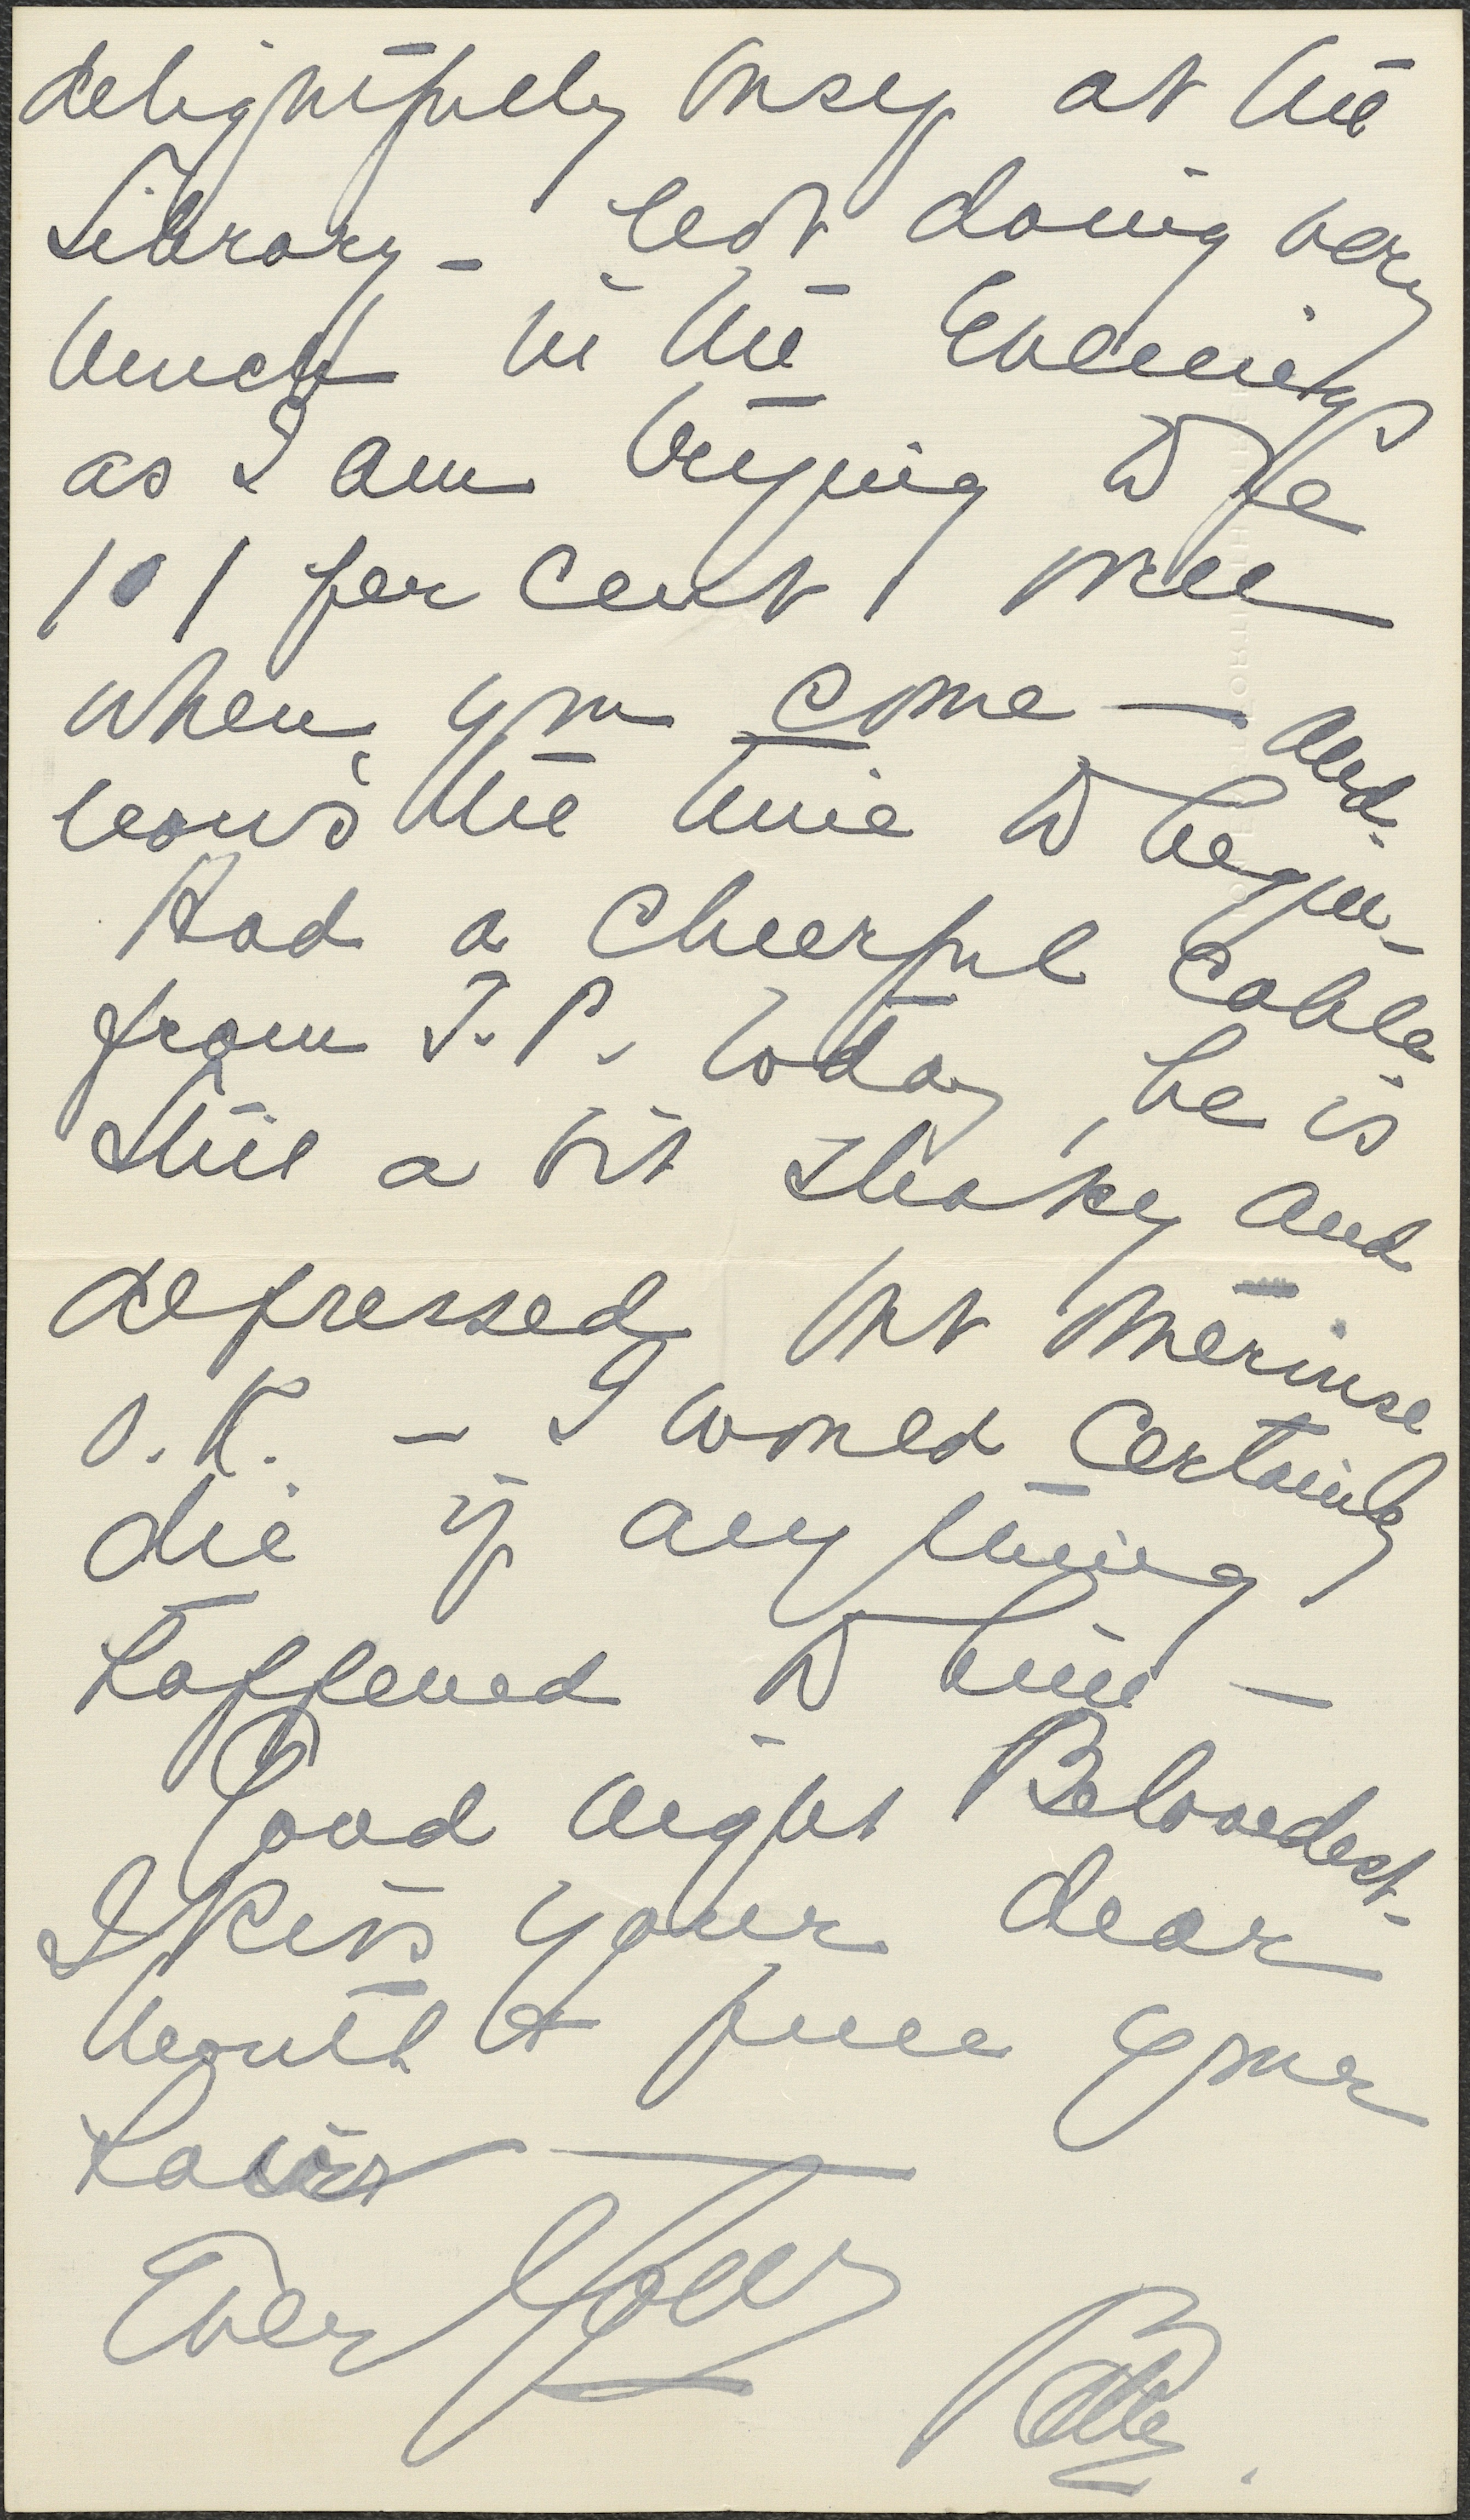delightfully busy at the Library – not doing very much in the evenings as I am trying to be 101 per cent well when you come – and now’s the time to begin – Had a cheerful cable from J. P. today, he is still a bit shaky and depressed but otherwise O. K. – I would certainly die if anything happened to him – Good night Belovedest – I kiss your dear mouth & feel your hair –
Ever Yours
Belle